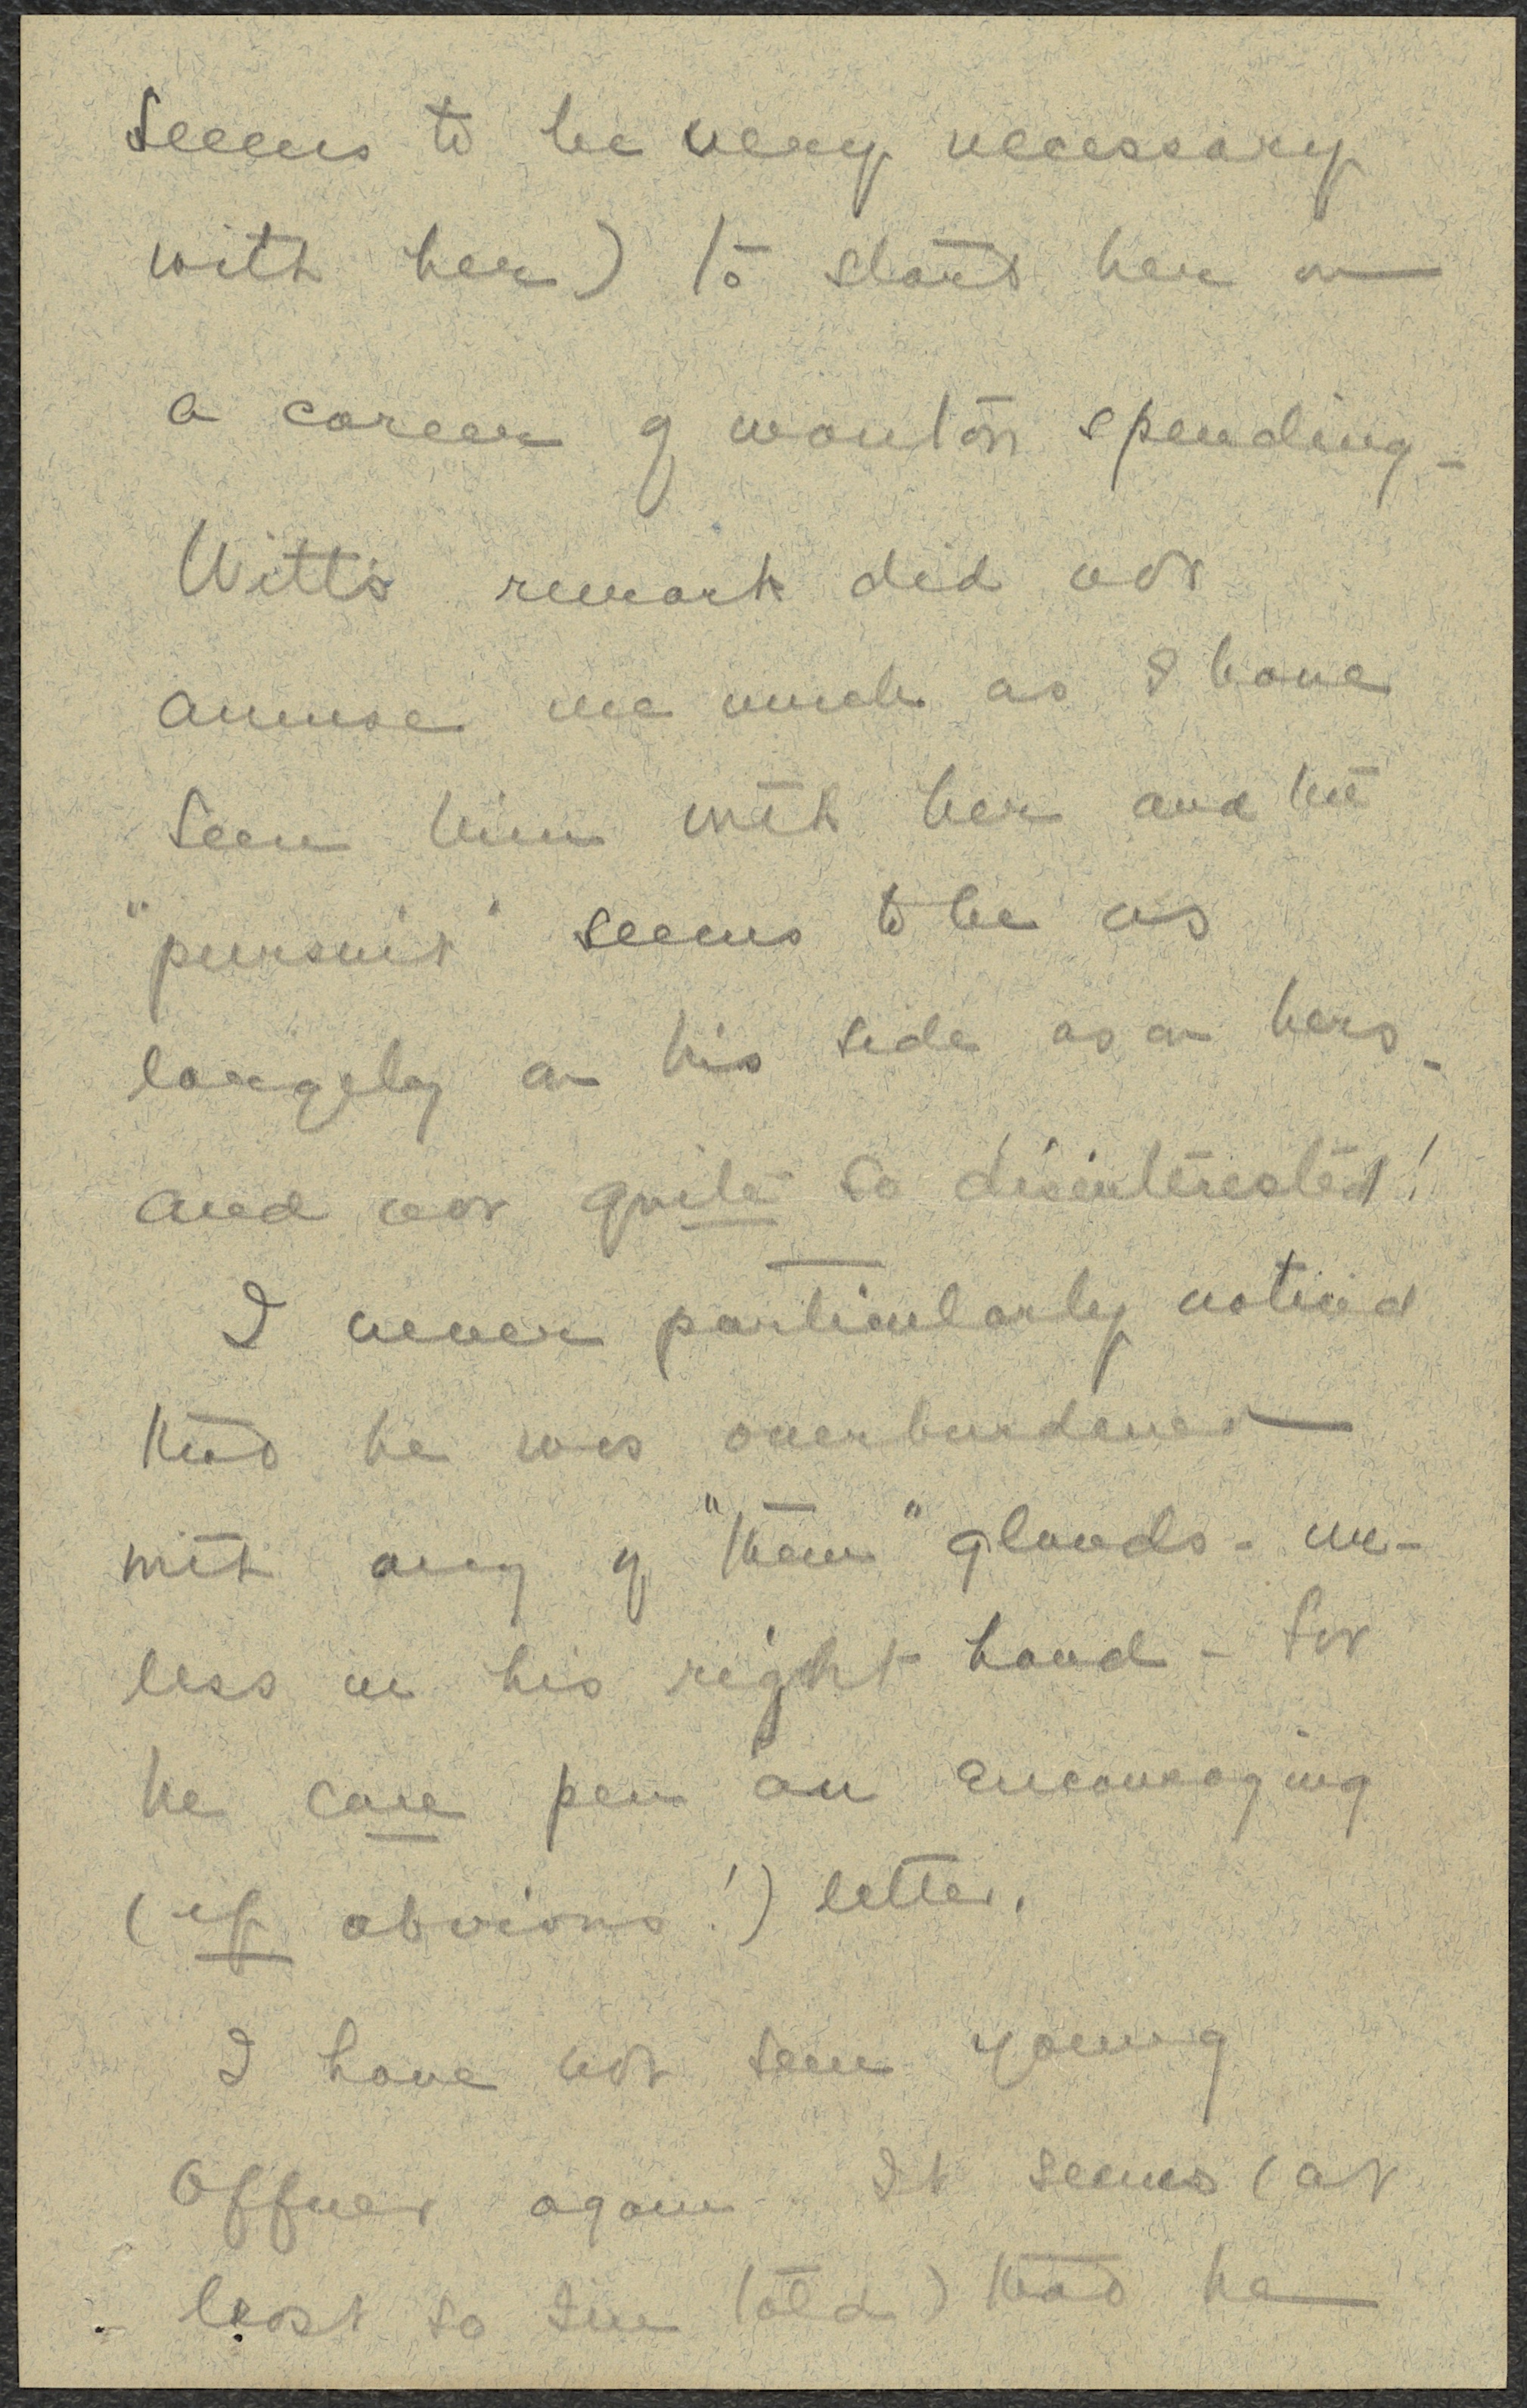seems to be very necessary with her) to start her on a career of wanton spending –
Witt's remark did not amuse me much as I have seen him with her and the "pursuit" seems to be as largely on his side as on hers – and not quite so disinterested!
I never particularly noticed that he was overburdened with any of "them" glands – unless in his right hand – for he can pen an encouraging (if obvious!) letter.
I have not seen young Offner again. It seems (at least so I'm told) that he